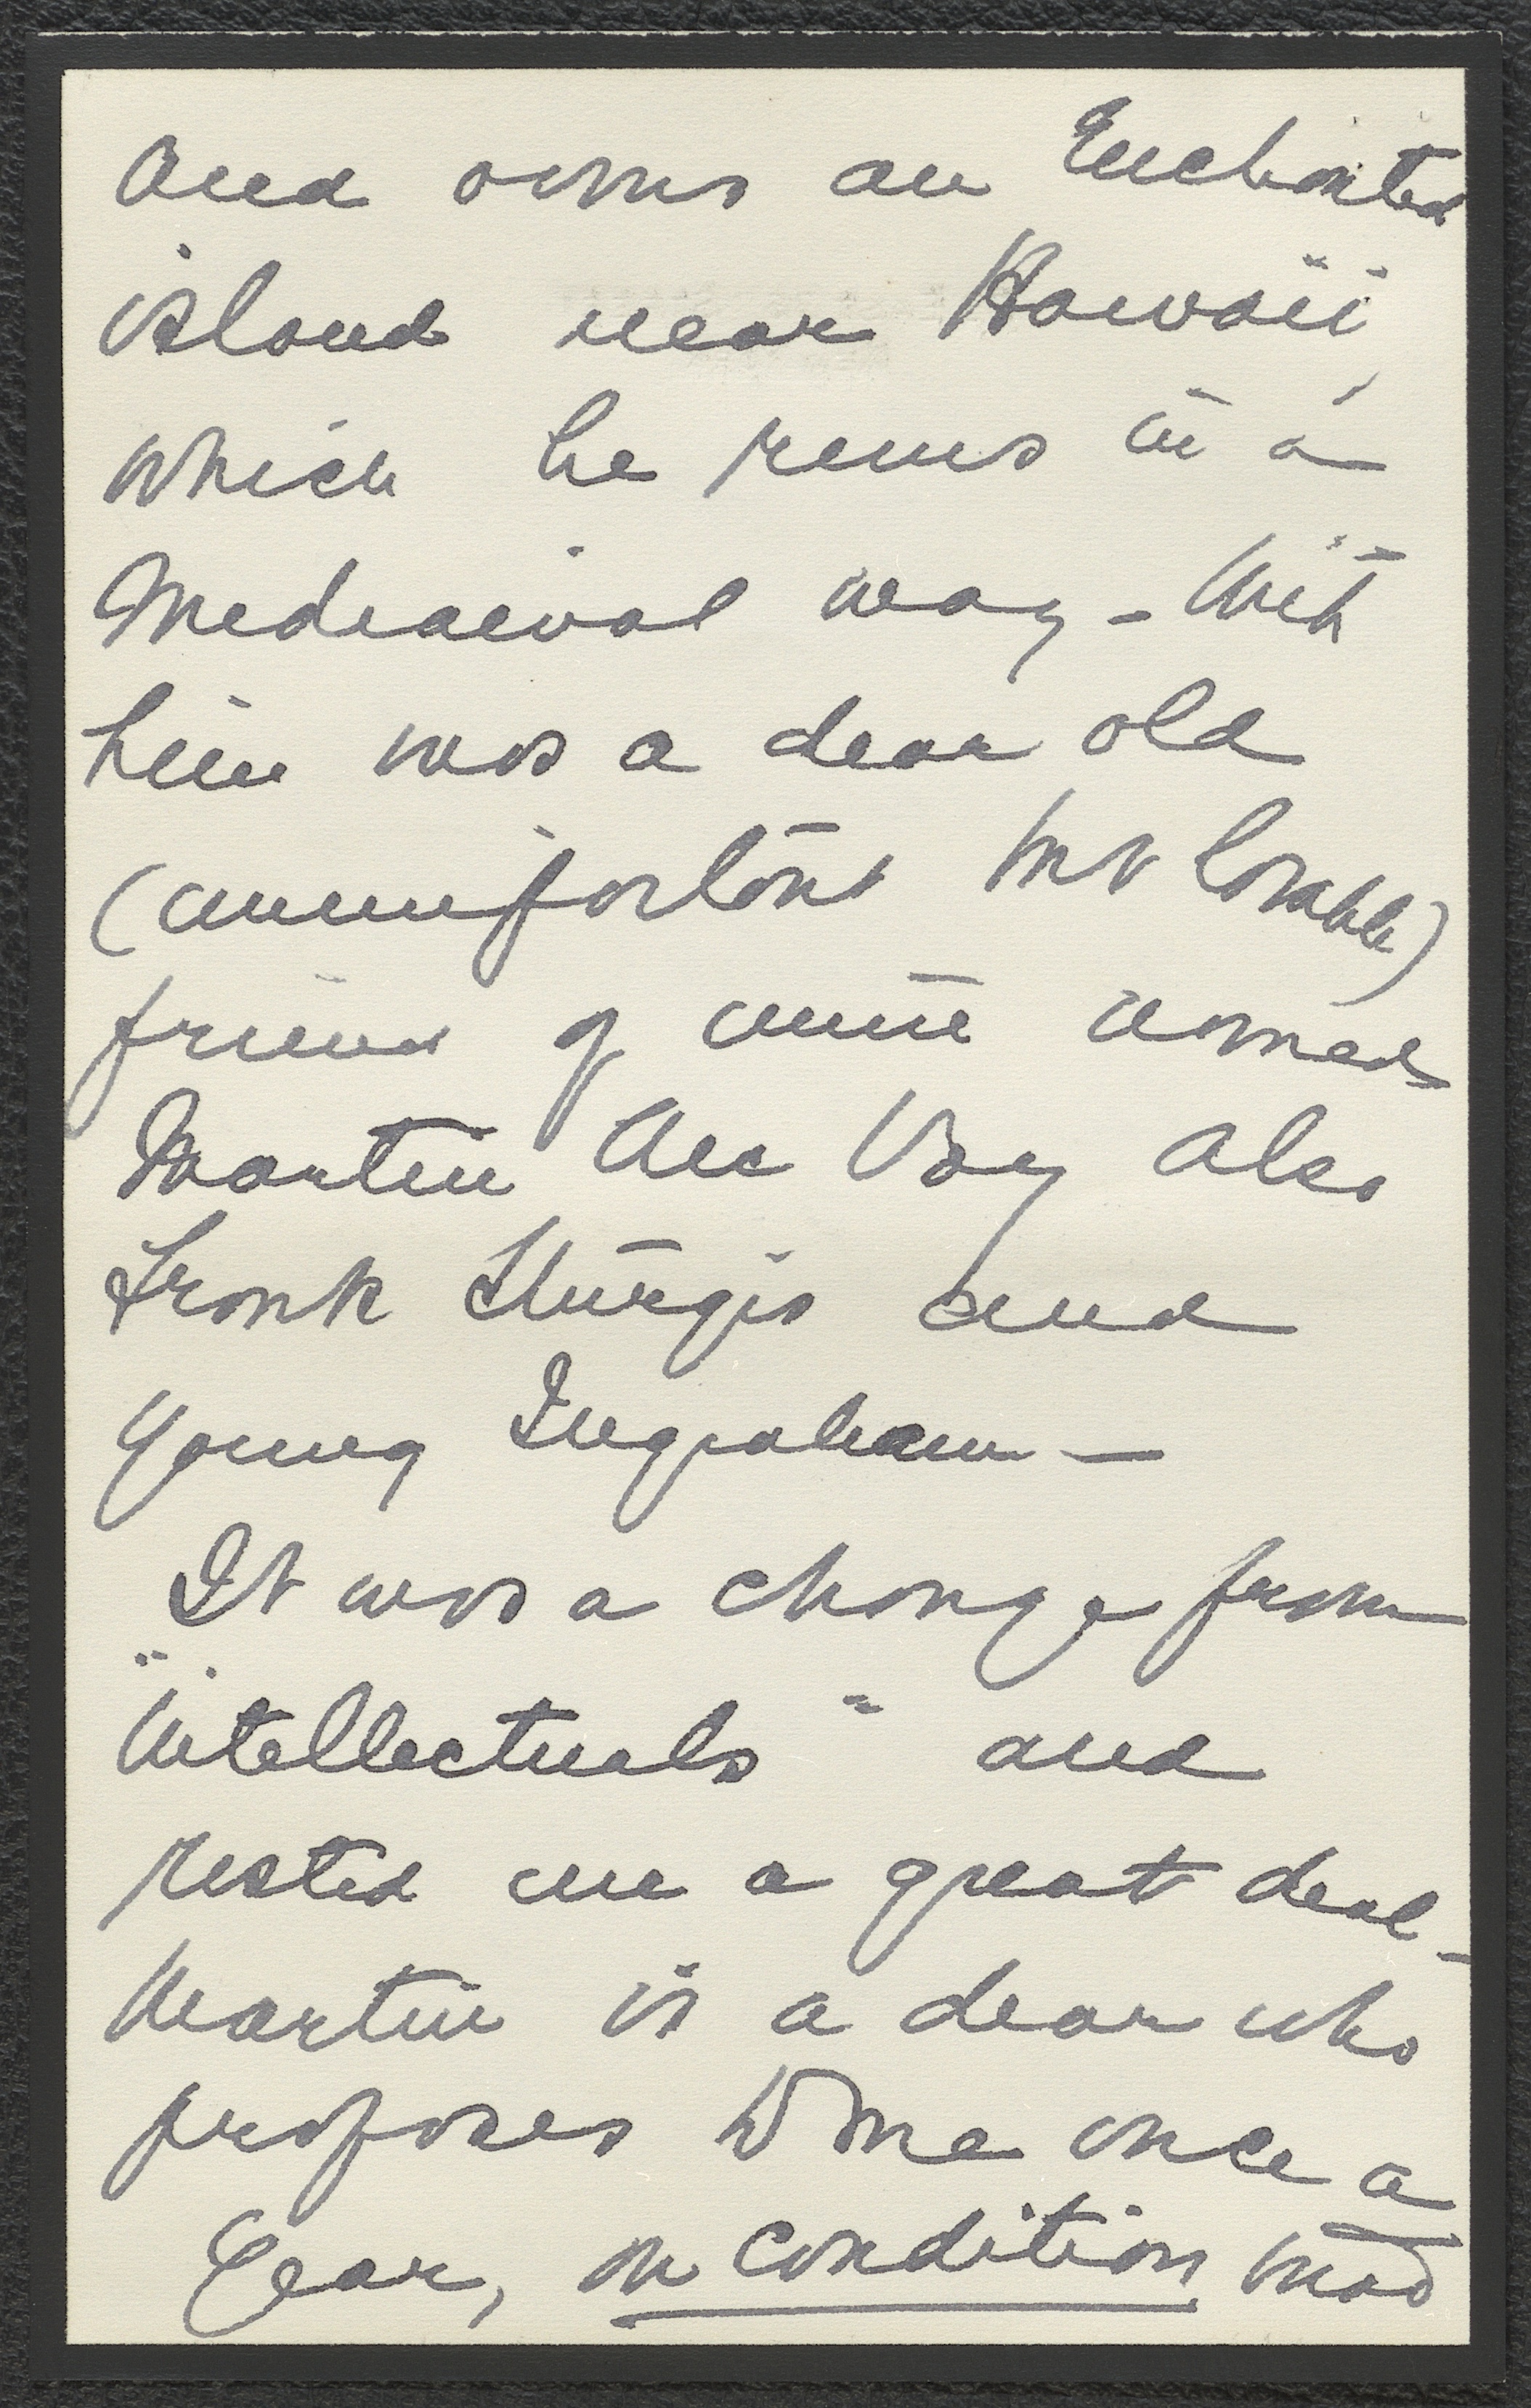and owns an enchanted island near Hawaii which he runs in a Medieval way – with him was a dear old (unimportant but lovable) friend of mine named Martin McVoy also Frank Sturgis and young Ingraham –
It was a change from “intellectuals” and rested me a great deal – Martin is a dear who proposes to me once a year, on condition that